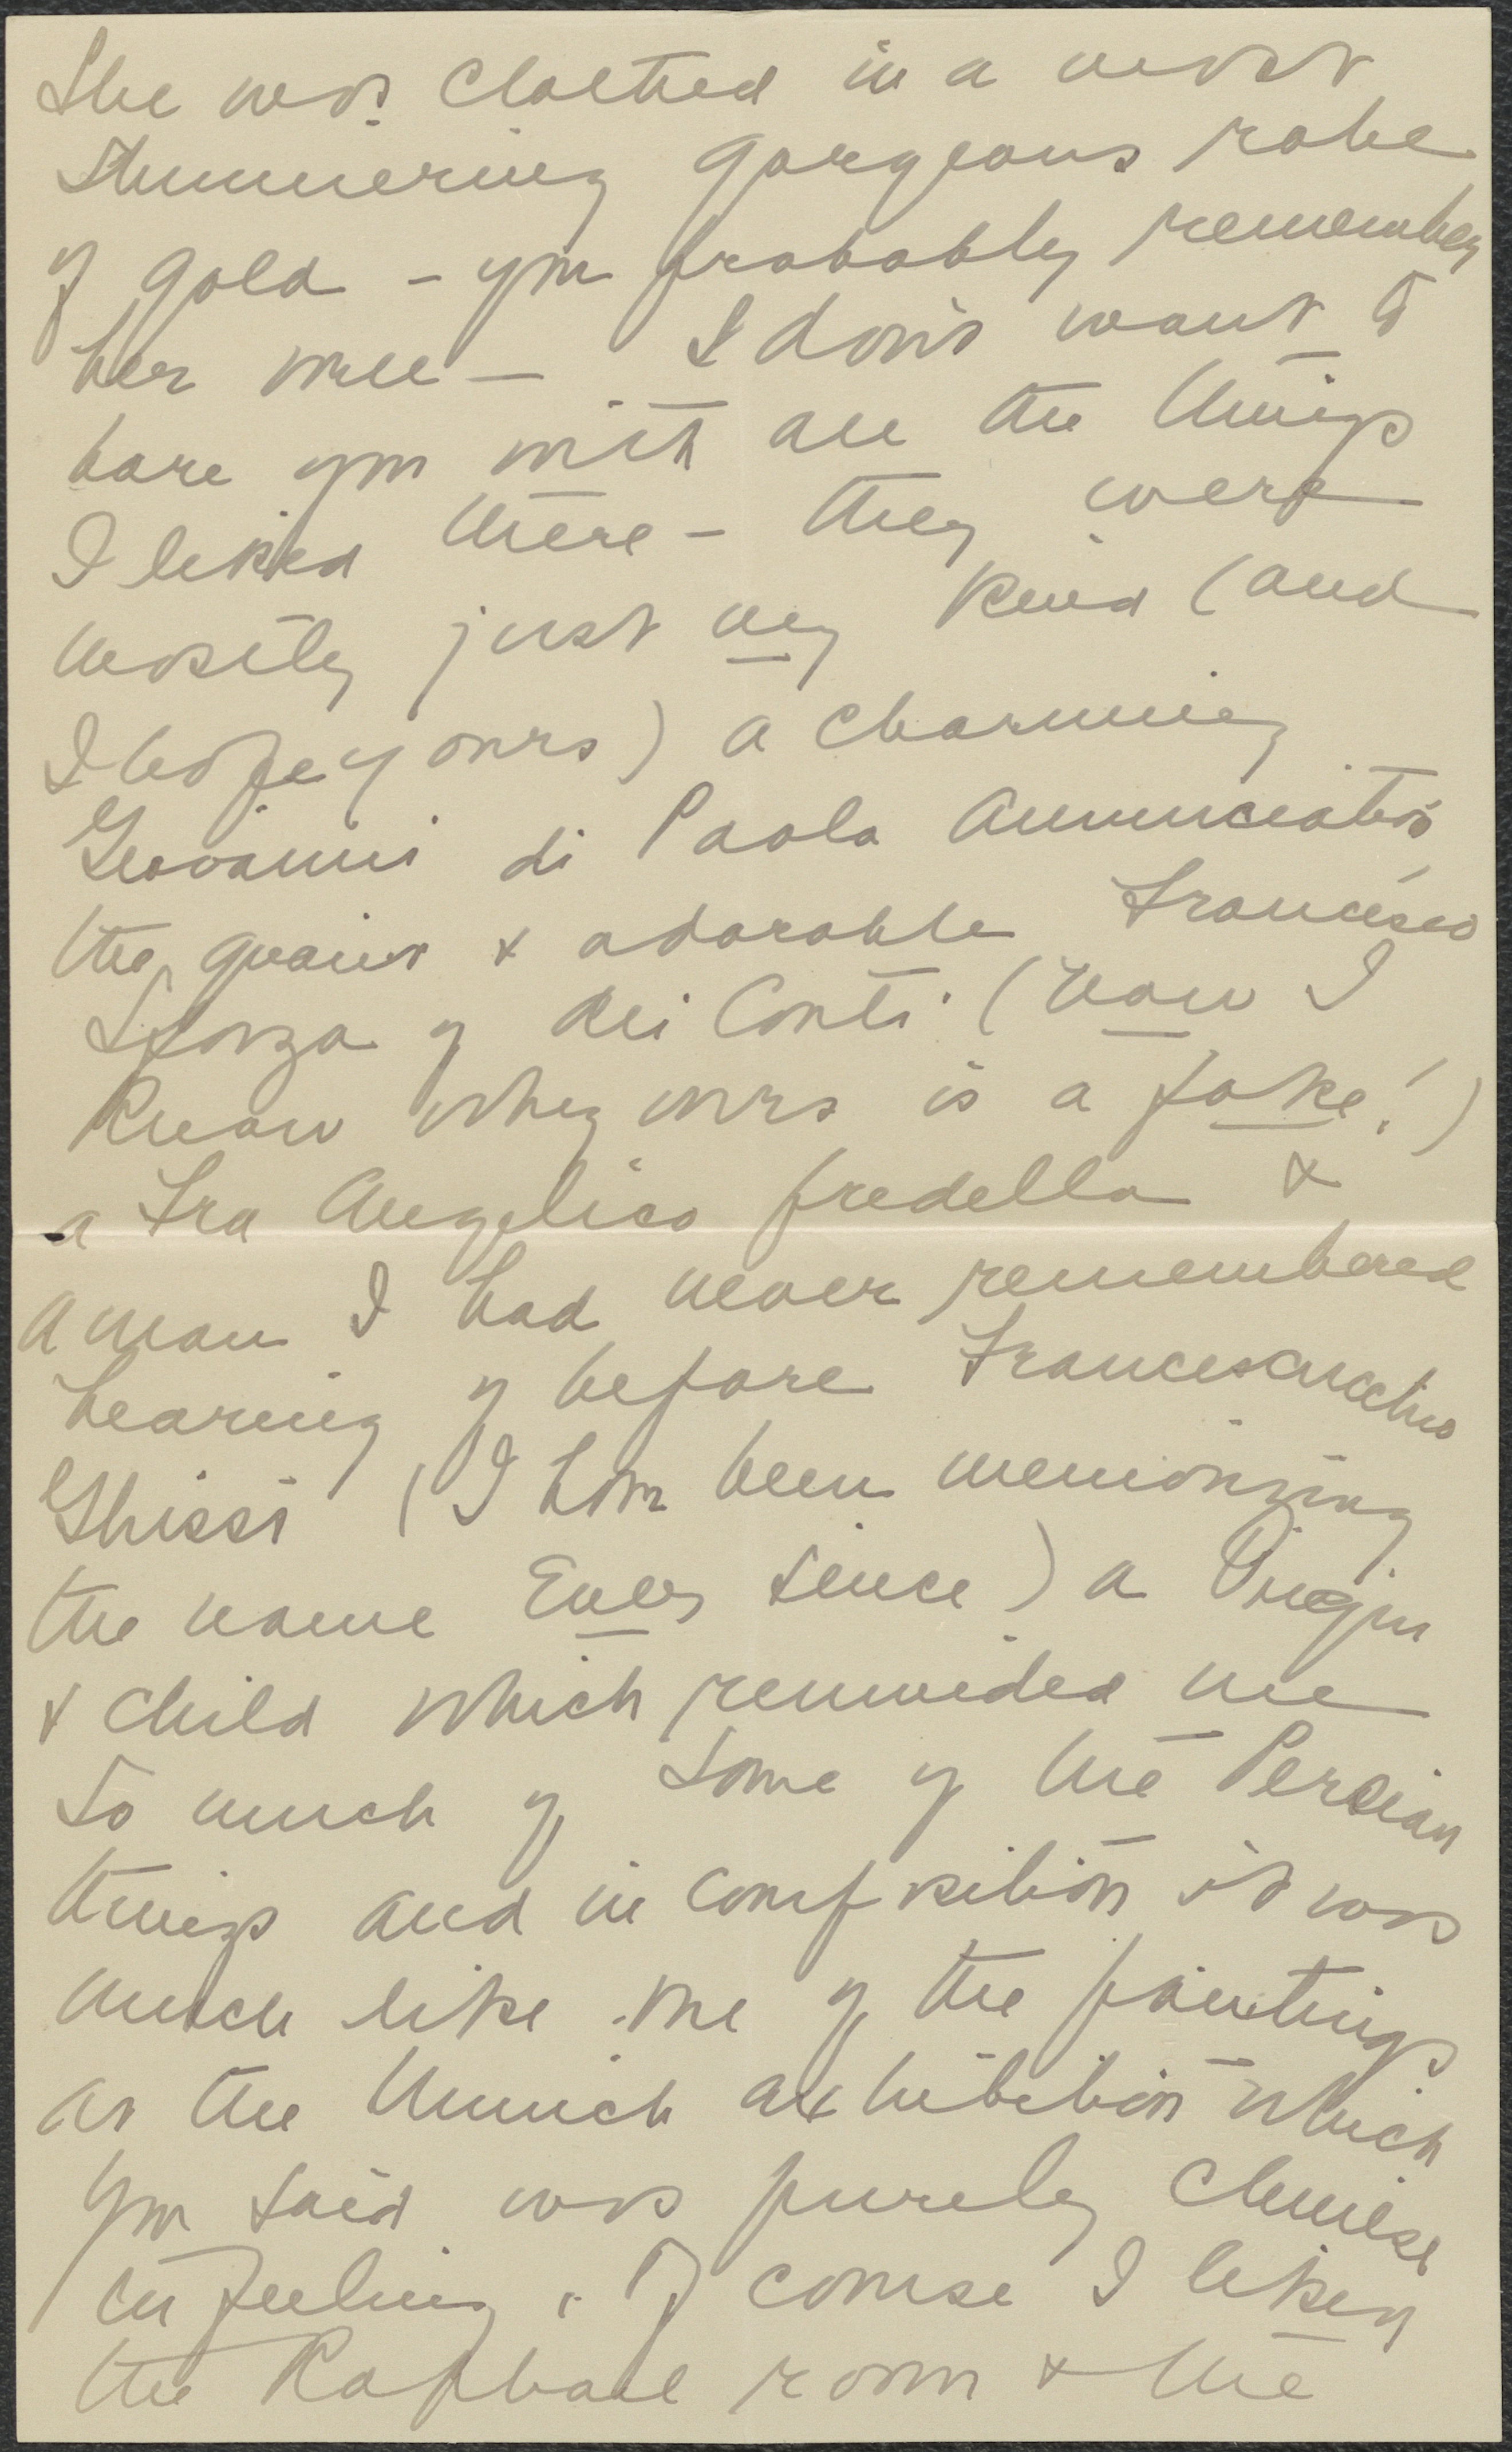She was clothed in a most shimmering gorgeous robe of gold – you probably remember her well – I don’t want to bore you with all the things I liked there – they were mostly just my kind (and I hope yours) a charming Giovanni di Paolo Annunciation, the quaint and adorable Francesco Sforza of dei Conti (now I know why our is a fake!) a Fra Angelico predella & a man I had never remembered hearing of being Francescuccio Ghissi (I have been memorizing the name ever since) a Virgin & child which reminded me so much of some of the Persian things and in composition it was much like one of the paintings at the Munich exhibition which you said was purely Chinese in feeling & of course I liked the Raphael room & the